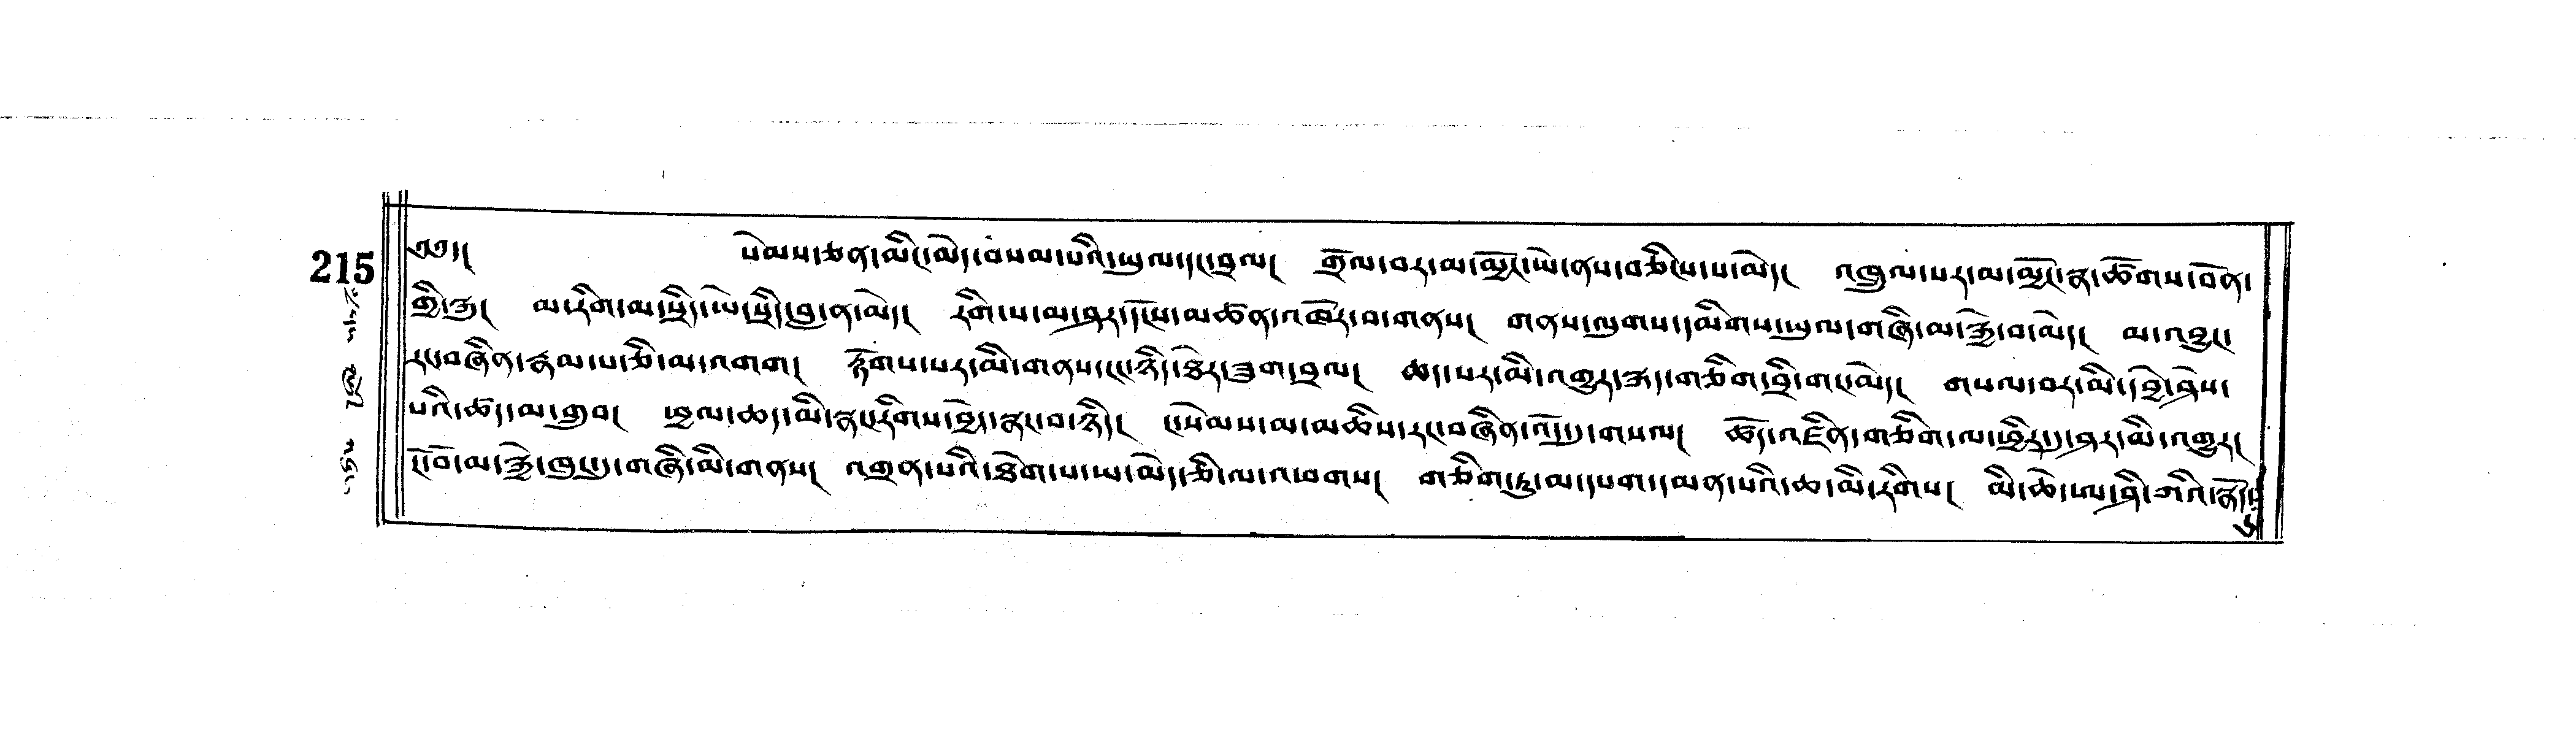སེམས་ཅན་མིང་མེད་བསམ་པའི་ཡུལ་དང་བྲལ། གྲོལ་བར་མ་མྱོང་ཡེ་ནས་བཅིངས་པ་མེད། འཁྲུལ་པར་མ་མྱོང་སྣ་ཚོགས་བོན་
གྱི་སྐུ། མ་རིག་མ་སྲིད་ཡེ་སྲིད་བླ་ན་མེད། རིག་པ་མ་ཤར་དངོས་མཚན་འཁོར་བ་གནས། གནས་ལུགས་དམིགས་ཡུལ་གཞི་ལ་སྐྱེ་བ་མེད། མ་འབྱུང་
རང་བཞིན་རྣམ་པ་ཅི་མ་འགག། རྟོགས་པར་མི་གནས་ངང་ཉིད་ཐེར་ཟུག་བྲལ། ཆད་པར་མི་འགྱུར་སྐད་ཅིག་བྲི་གང་མེད། གསལ་བར་མི་དབྱེ་ཤེས་
པའི་ཚད་མ་གྲུབ། ཕྱལ་ཆད་མི་སྣང་རིག་བྱེད་སྣང་བ་ཉིད། ང་སེམས་མ་མཆིས་རང་བཞིན་འོད་དུ་གསལ། ཚོད་འཛིན་གཅིག་ལ་ཕྱིར་དུ་ཤར་མི་འགྱུར། 
ངོ་བོ་མ་སྐྱེ་ཁུང་དུ་གཞི་མི་གནས། འགྲན་པའི་ཐེག་པ་ཡ་མེད་ཅི་ལ་འཕགས། གཅིག་ཏུ་མ་དཔགས་དམན་པའི་ཆ་མི་རིགས། མི་ཆེ་ཨ་ཤི་ཀའི་སྣོད་དུ་